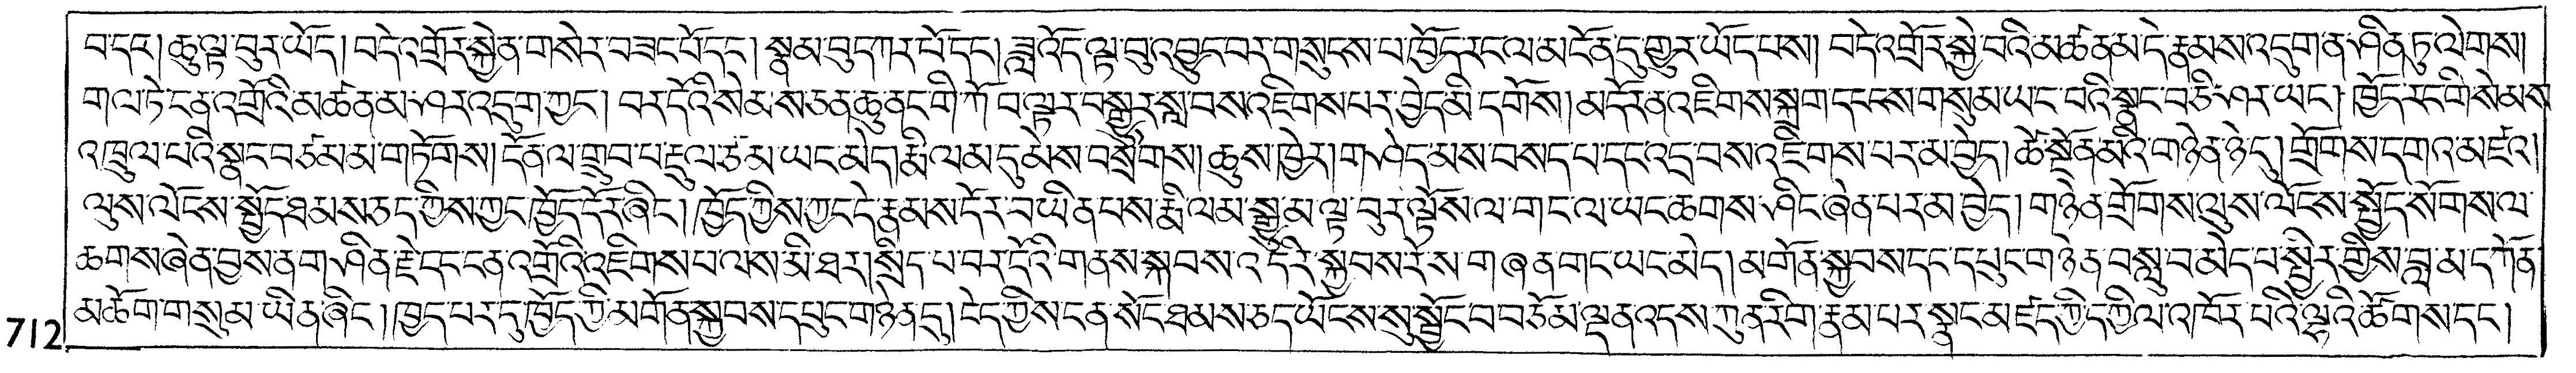བ་དང་། ཆུ་ལྟ་བུར་ཡོད། བདེ་འགྲོར་སྐྱེ་ན་གསེར་བཟང་པོ་དང་། སྣམ་བུ་དཀར་པོ་དང་། ཟླ་འོད་ལྟ་བུ་འབྱུང་བར་གསུངས་པ་ཁྱོད་རང་ལ་མངོན་དུ་གྱུར་ཡོད་པས། བདེ་འགྲོར་སྐྱེ་བའི་མཚན་མ་དེ་རྣམས་འདུག་ན་ཤིན་ཏུ་ལེགས།
གལ་ཏེ་ངན་འགྲོའི་མཚན་མ་ཤར་འདུག་ཀྱང་། བར་དོའི་སེམས་ཅན་ཆུ་ནང་གི་ཀོ་བ་ལྟར་བསྒྱུར་སླ་བས་འཇིགས་པར་བྱེད་མི་དགོས། མདོར་ན་འཇིགས་སྐྲག་དངངས་གསུམ་ཡང་སྣང་བ་ཅི་ཤར་ཡང་། ཁྱོད་རང་གི་སེམས་
འཁྲུལ་པའི་སྣང་བ་ཙམ་མ་གཏོགས། དོན་ལ་གྲུབ་པ་རྡུལ་ཙམ་ཡང་མེད། རྨི་ལམ་དུ་མེས་བསྲེགས། ཆུས་ཁྱེར། གཤེད་མས་བསད་པ་དང་འདྲ་བས་འཇིགས་པར་མ་བྱེད། ཚེ་སྔོན་མའི་གཉེན་ཉེ་དུ། གྲོགས་དགའ་མཛའ།
ལུས་ལོངས་སྤྱོད་ཐམས་ཅད་ཀྱིས་ཀྱང་ཁྱོད་དོར་ཞིང་། ཁྱོད་ཀྱིས་ཀྱང་དེ་རྣམས་དོར་བ་ཡིན་པས་རྨི་ལམ་སྒྱུ་མ་ལྟ་བུར་ལྟོས་ལ་གང་ལ་ཡང་ཆགས་ཤིང་ཞེན་པར་མ་བྱེད། གཉེན་གྲོགས་ལུས་ལོངས་སྤྱོད་སོགས་ལ་
ཆགས་ཞེན་བྱས་ན་གཤིན་རྗེ་དང་ངན་འགྲོའི་འཇིགས་པ་ལས་མི་ཐར། སྲིད་པ་བར་དོའི་གནས་སྐབས་འདིར་སྐྱབས་རེ་ས་གཞན་གང་ཡང་མེད། མགོན་སྐྱབས་དང་དཔུང་གཉེན་བསླུ་བ་མེད་པ་སྤྱིར་གྱིས་བླ་མ་དཀོན་
མཆོག་གསུམ་ཡིན་ཞིང་། ཁྱད་པར་དུ་ཁྱོད་ཀྱི་མགོན་སྐྱབས་དཔུང་གཉེན་དུ། ངེད་ཀྱིས་ངན་སོང་ཐམས་ཅད་ཡོངས་སུ་སྦྱོང་བ་བཅོམ་ལྡན་འདས་ཀུན་རིག་རྣམ་པར་སྣང་མཛད་ཀྱི་དཀྱིལ་འཁོར་པའི་ལྷའི་ཚོགས་དང་།